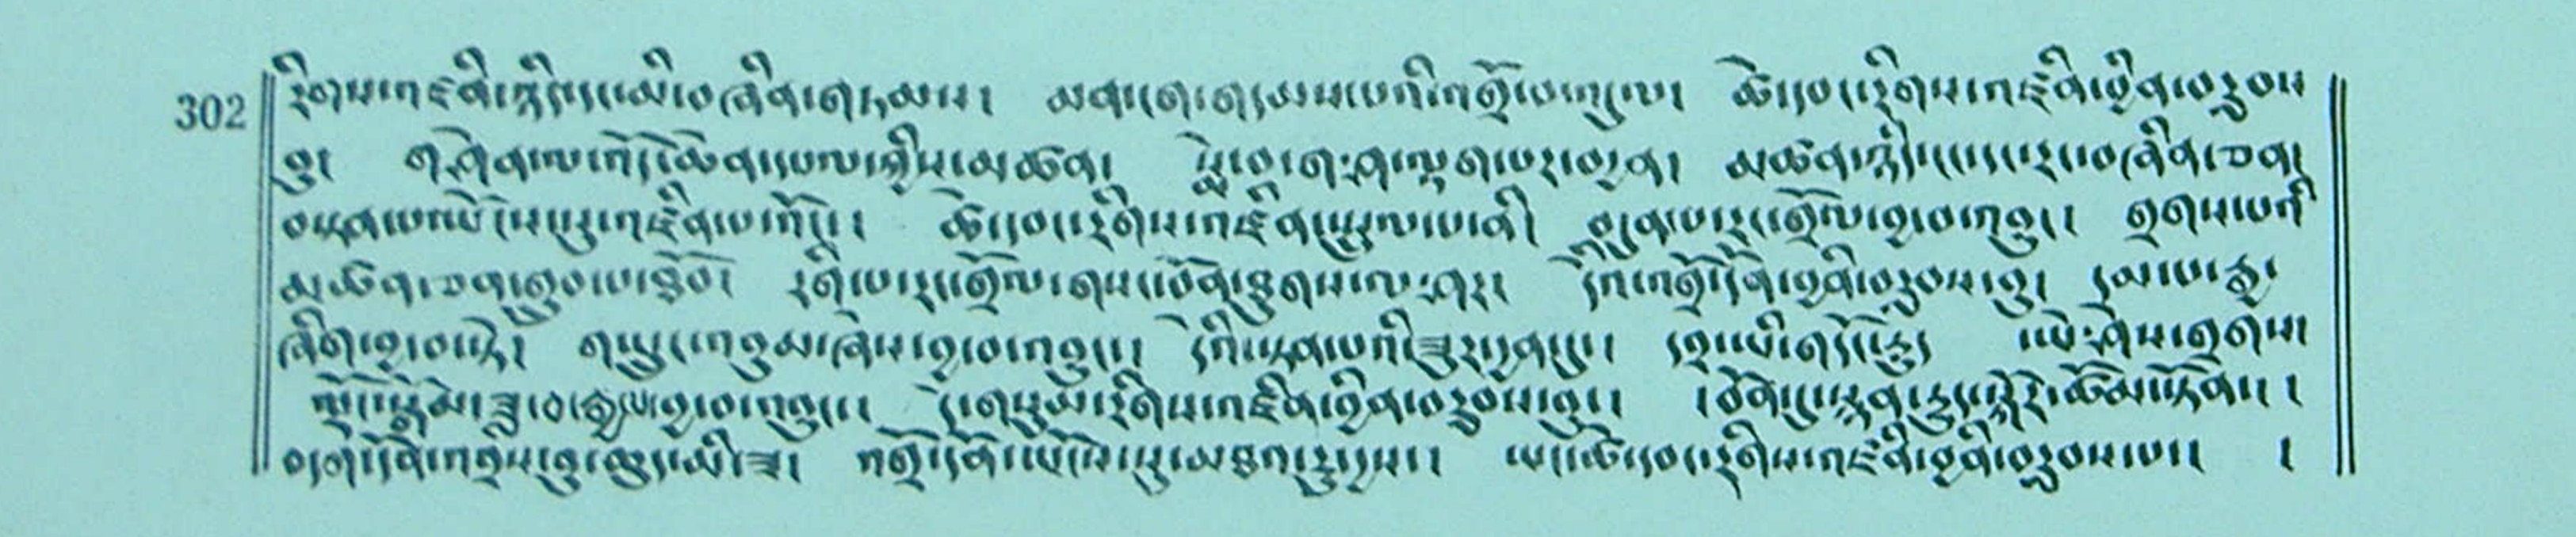རིགས་འཛིན་ཉིད་དང་མི་བཞིན་རྒྱལ། མན་ངག་གདམས་པས་འགྲོ་བ་འདུལ། ཚེ་དབང་རིགས་འཛིན་བྱིན་རླབས་
བུ། གཤེན་ལ་འོད་ཆེན་དཔལ་གྱིས་མཚན། སྨེ་བ་ག་ཤ་ལྟག་པར་བརྒྱན། མཚན་ཉིད་ངང་དང་རང་བཞིན་ཅན། 
བསྟན་པ་ཡོངས་སུ་འཛིན་པ་འོང་། ཚེ་དབང་རིགས་འཛིན་སྤྲུལ་པ་ནི། བདུན་པ་རང་གྲོལ་བྱ་བ་འབྱུང་། གྲགས་པའི་
མཚན་ཅན་གྲུབ་པ་ཐོབ། རིག་པ་རང་གྲོལ་གསང་བོན་ཐུགས་ལ་ཤར། དེ་ཡི་འགྲོ་དོན་བྱིན་རླབས་བུ། དམ་པ་རྒྱ་
ཞིག་བྱ་བ་སྟེ། གཡུང་དྲུང་འབུམ་ཞེས་བྱ་བ་འབྱུང་། དེ་ཡི་བསྟན་པའི་ཟུར་རྒྱན་དུ། དབྲ་ཡི་གདུང་རྒྱུད་ཡེ་ཤེས་གྲགས།
ལྡོང་སྒོམ་ཟླ་བ་རྒྱལ་བྱ་བ་འབྱུང་། དེ་གསུམ་རིགས་འཛིན་བྱིན་རླབས་བུ། བོན་དུ་སྙན་རྒྱུད་སྐོར་ཚོམ་སྟོན། 
བདག་དོན་འབྲས་བུ་ཆུད་མི་ཟ། འགྲོ་དོན་ཡོངས་སུ་མཐའ་རུ་རྒྱས། ཡང་ཚེ་དབང་རིགས་འཛིན་བྱིན་རླབས་པ།